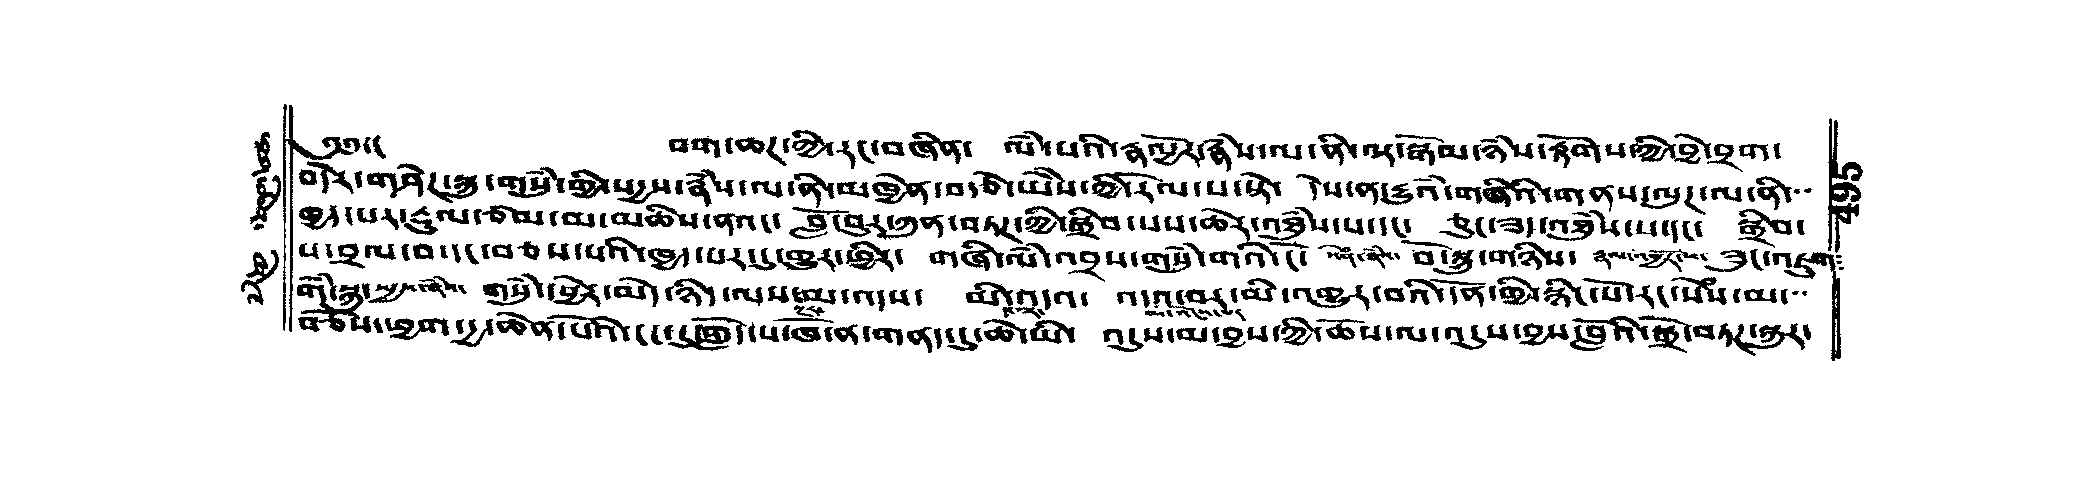བག་ཆགས་ཀྱི་རང་བཞིན། ལམ་པའི་རྣལ་འབྱོར་རྣམས་ལ་ནི་ལྟ་སྒོམ་ཉམས་རྟོགས་ཀྱི་བྱེ་བྲག 
བདེ་གཤེགས་སྐུ་གསུམ་གྱི་སངས་རྒྱས་རྣམས་ལ་ནི་མཁྱེན་བརྩེ་ཡེ་ཤེས་ཀྱི་རོལ་བ་སྟེ། དེས་ན་རྒྱུའམ་གཞིའི་གནས་ལུགས་ལ་ནི་
ཁྱད་པར་རྡུལ་རྩམ་མ་མཆིས་ནའང་། བློ་བུར་ཀུན་བཏགས་ཀྱི་སྒྲིབ་པས་ཆེར་འཐུམས་པ་དང་། ཅུང་ཟད་འཐུམས་པ་དང་། སྒྲིབ་
པ་བྲལ་བ་དང་བཅས་པའི་ཁྱད་པར་གྱུར་ཕྱིར། གཞི་ལམ་འབྲས་གསུམ་གའི་ངོ་བོ་སྐུ་གཉིས་ཟུང་འཇུག་
གམ་སྐུ་གསུམ་དབྱེར་མེད་ཉིད་ལས་སྔར་མ་འདས། མི་འདའ། འདའ་བར་མི་འགྱུར་བའི་དོན་གྱི་སྙིང་པོ་རང་སེམས་མ་
བཅོས་ཕྱག་རྒྱ་ཆེན་པོའི་ངང་དུ་གློད་པ་ཁོ་ན་གནད་དུ་ཆེ་ཡི། འདུས་མ་བྱས་ཀྱི་ཆོས་ལ་འདུས་བྱས་བློའི་སྒྲོ་བཏགས་སྐུར་